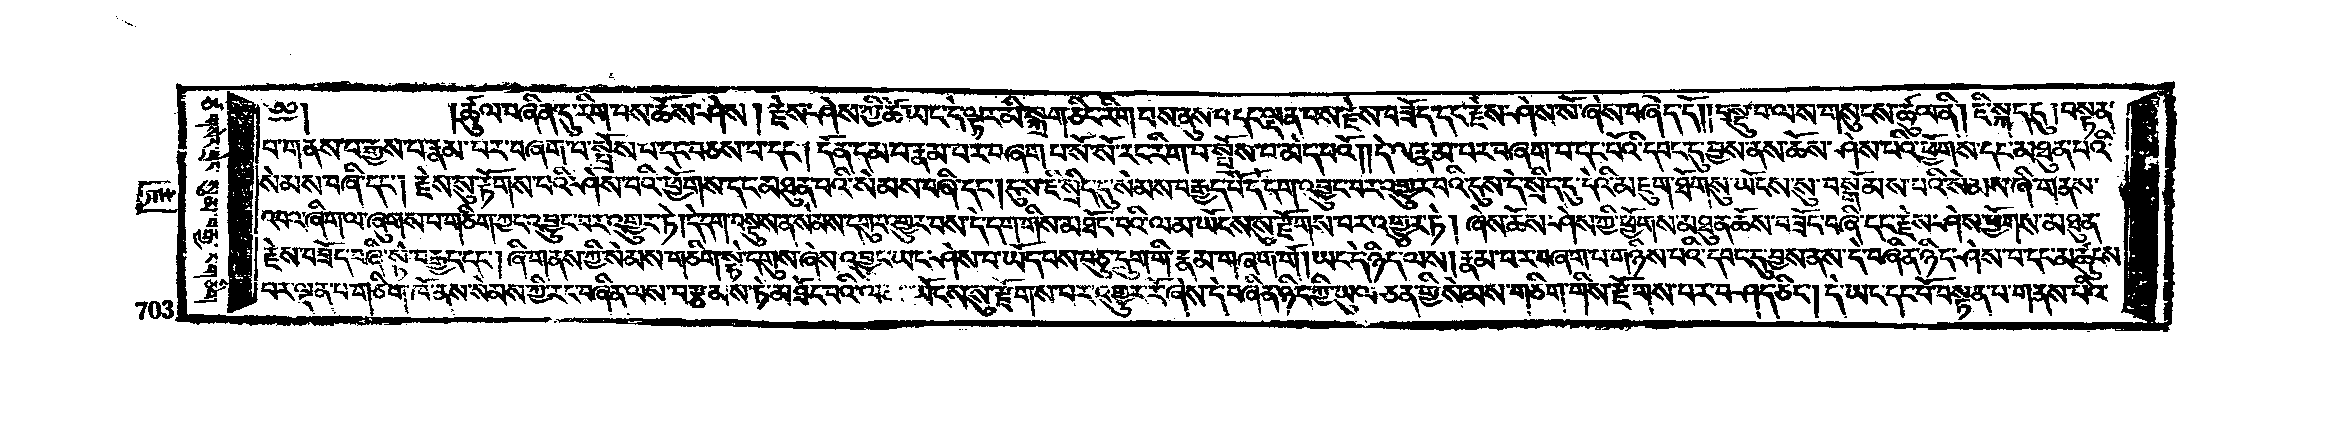༄༅། །ཚུལ་བཞིན་དུ་རིག་པས་ཆོས་ཤེས། རྗེས་ཤེས་ཀྱི་ཚེ་ཡང་དེ་ལྟར་མི་སྐྲག་ཅིང་རིག་པས་ནུས་པ་དང་ལྡན་པས་རྗེས་བཟོད་དང་རྗེས་ཤེས་སོ་ཞེས་བཞེད་དོ། །བསྡུ་བ་ལས་གསུངས་ཚུལ་ནི། ཇི་སྐད་དུ། བསྟན་
པ་གནས་པ་རྒྱས་པ་རྣམ་པར་བཞག་པ་སྤྲོས་པ་དང་བཅས་པ་དང་། དོན་དམ་པ་རྣམ་པར་བཞག་པ་སོ་སོ་རང་རིག་པ་སྤྲོས་པ་མེད་པའོ། །དེ་ལ་རྣམ་པར་བཞག་པ་དང་པོའི་དབང་དུ་བྱས་ནས་ཆོས་ཤེས་པའི་ཕྱོགས་དང་མཐུན་པའི་
སེམས་བཞི་དང་། རྗེས་སུ་རྟོགས་པའི་ཤེས་པའི་ཕྱོགས་དང་མཐུན་པའི་སེམས་བཞི་དང་། བུས་ཇི་སྲིད་དུ་སེམས་བརྒྱད་པོ་དེ་དག་འབྱུང་བར་འགྱུར་བའི་དུས་དེ་སྲིད་དུ་དེའི་མཇུག་ཐོགས་སུ་ཡོངས་སུ་བསྒོམས་པའི་སེམས་ཞི་གནས་
འབའ་ཞིག་ལ་ཞུགས་པ་གཅིག་ཀྱང་འབྱུང་བར་འགྱུར་ཏེ། དེ་དག་བསྡུས་ན་སེམས་དགུར་འགྱུར་བས་དེ་དག་གིས་མཐོང་བའི་ལམ་ཡོངས་སུ་རྫོགས་པར་འགྱུར་ཏེ། ཞེས་ཆོས་ཤེས་ཀྱི་ཕྱོགས་མཐུན་ཆོས་བཟོད་བཞི་དང་རྗེས་ཤེས་ཕྱོགས་མཐུན་
རྗེས་བཟོད་བཞི་སྟེ་བརྒྱད་དང་། ཞི་གནས་ཀྱི་སེམས་གཅིག་སྟེ་དགུས་ཞེས་འབྱུང་ཡང་ཤེས་པ་ཡོད་པས་བཅུ་དྲུག་གི་རྣམ་གཞག་གོ །ཡང་དེ་ཉིད་ལས། རྣམ་པར་བཞག་པ་གཉིས་པའི་དབང་དུ་བྱས་ནས་དེ་བཞིན་ཉིད་ཤེས་པ་དང་མཚུངས་
པར་ལྡན་པ་གཅིག་ཁོ་ནས་སེམས་ཀྱི་རང་བཞིན་ལས་བརྩམས་ཏེ་མཐོང་བའི་ལམ་ཡོངས་སུ་རྫོགས་པར་འགྱུར་རོ་ཞེས་དེ་བཞིན་ཉིད་ཀྱི་ཡུལ་ཅན་གྱི་སེམས་གཅིག་གིས་རྫོགས་པར་བཤད་ཅིང་། དེ་ཡང་དང་པོ་བསྟན་པ་གནས་པའི་